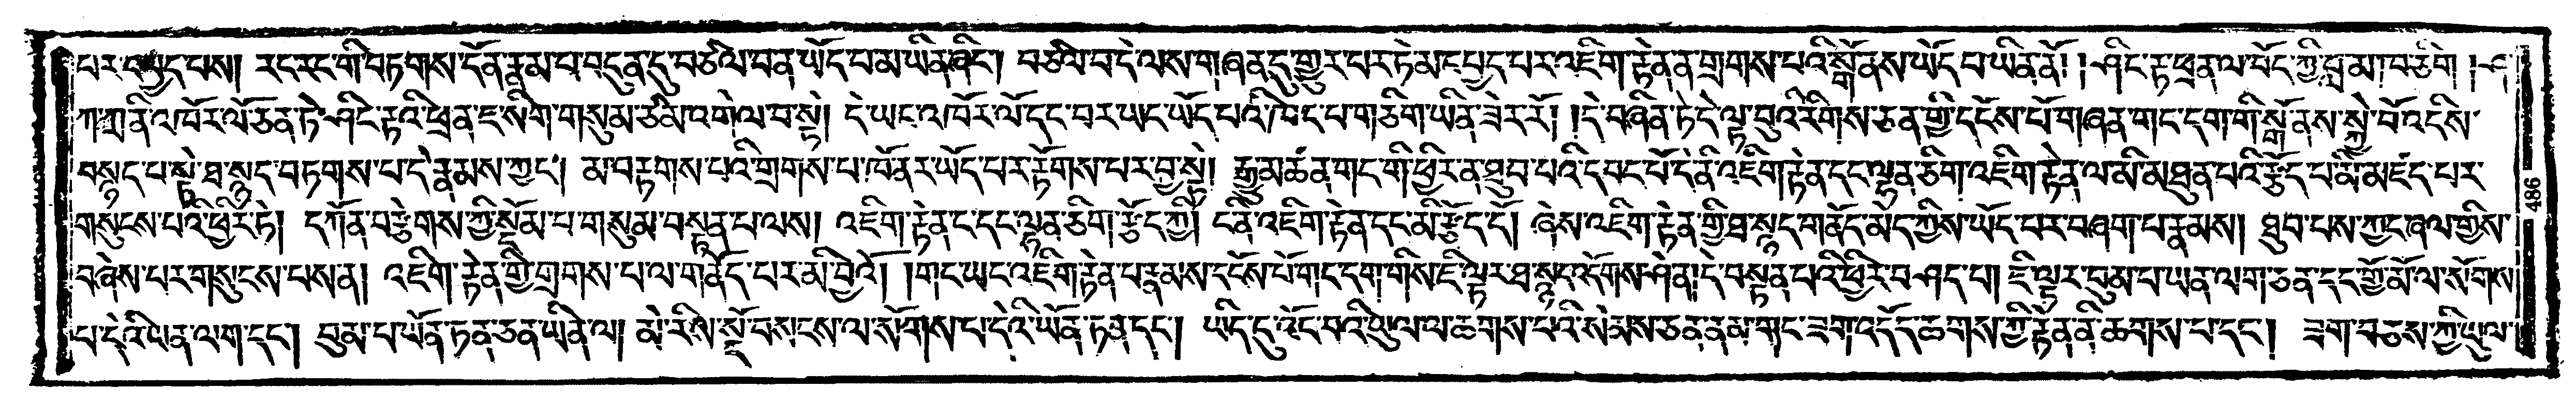པར་དཔྱད་པས། རང་རང་གི་བཏགས་དོན་རྣམ་པ་བདུན་དུ་བཙལ་བ་ན་ཡོད་པ་མ་ཡིན་ཞིང་། བཙལ་བ་དེ་ལས་གཞན་དུ་གྱུར་པར་ཏེ་མ་དཔྱད་པར་འཇིག་རྟེན་ན་གྲགས་པའི་སྒོ་ནས་ཡོད་པ་ཡིན་ནོ། །ཤིང་རྟ་ཕྲན་ལ་བོད་ཀྱི་བླ་མ་ཁ་ཅིག །ཤ་
ཀ་ཀྲ་ནི་འཁོར་ལོ་ཅན་ཏེ་ཤིང་རྟའི་ཕྲན་ཇ་སིག་གསུམ་ཙམ་འགེལ་བ་སྟེ། དེ་ཡང་འཁོར་ལོ་དང་བར་ཡང་ཡོད་པའི་ཁང་པ་གཅིག་ཡིན་ཟེར་རོ། །དེ་བཞིན་ཏེ་དེ་ལྟ་བུའི་རིགས་ཅན་གྱི་དངོས་པོ་གཞན་གང་དག་གི་སྒོ་ནས་སྐྱེ་བོ་འདིས་
བསྙད་པ་སྟེ་ཐ་སྙད་བཏགས་པ་དེ་རྣམས་ཀྱང་། མི་བརྟགས་པའི་གྲགས་པ་ཁོ་ནར་ཡོད་པར་རྟོགས་པར་བྱ་སྟེ། རྒྱུ་མཚན་གང་གི་ཕྱིར་ན་ཐུབ་པའི་དབང་པོ་དེ་ནི་འཇིག་རྟེན་དང་ལྷན་ཅིག་འཇིག་རྟེན་ལ་མི་མཐུན་པའི་རྩོད་པ་མི་མཛད་པར་
གསུངས་པའི་ཕྱིར་ཏེ། དཀོན་བརྩེགས་ཀྱི་སྡོམ་པ་གསུམ་བསྟན་པ་ལས། འཇིག་རྟེན་ང་དང་ལྷན་ཅིག་རྩོད་ཀྱི། ང་ནི་འཇིག་རྟེན་དང་མི་རྩོད་དོ། ཞེས་འཇིག་རྟེན་གྱི་ཐ་སྙད་གནོད་མེད་ཀྱིས་ཡོད་པར་བཞག་པ་རྣམས། ཐུབ་པས་ཀྱང་ཞལ་གྱིས་
བཞེས་པར་གསུངས་པས་ན། འཇིག་རྟེན་གྱི་གྲགས་པ་ལ་གནོད་པར་མི་བྱའོ། །གང་ཡང་འཇིག་རྟེན་པ་རྣམས་དངོས་པོ་གང་དག་གིས་ཇི་ལྟར་ཐ་སྙད་འདོགས་ཞེ་ན། དེ་བསྟན་པའི་ཕྱིར་བཤད་པ། ཇི་ལྟར་བུམ་པ་ཡན་ལག་ཅན་དང་གྱོ་མོ་ལ་སོགས་
པ་དེའི་ཡན་ལག་དང་། བུམ་པ་ཡོན་ཏན་ཅན་ཡིན་ལ། མེ་རིས་སྔོ་བསངས་ལ་སོགས་པ་དེའི་ཡོན་ཏན་དང་། ཡིད་དུ་འོང་བའི་ཡུལ་ལ་ཆགས་པའི་སེམས་ཅན་ནམ་གང་ཟག་འདོད་ཆགས་ཀྱི་རྟེན་ནི་ཆགས་པ་དང་། ཟག་བཅས་ཀྱི་ཡུལ་